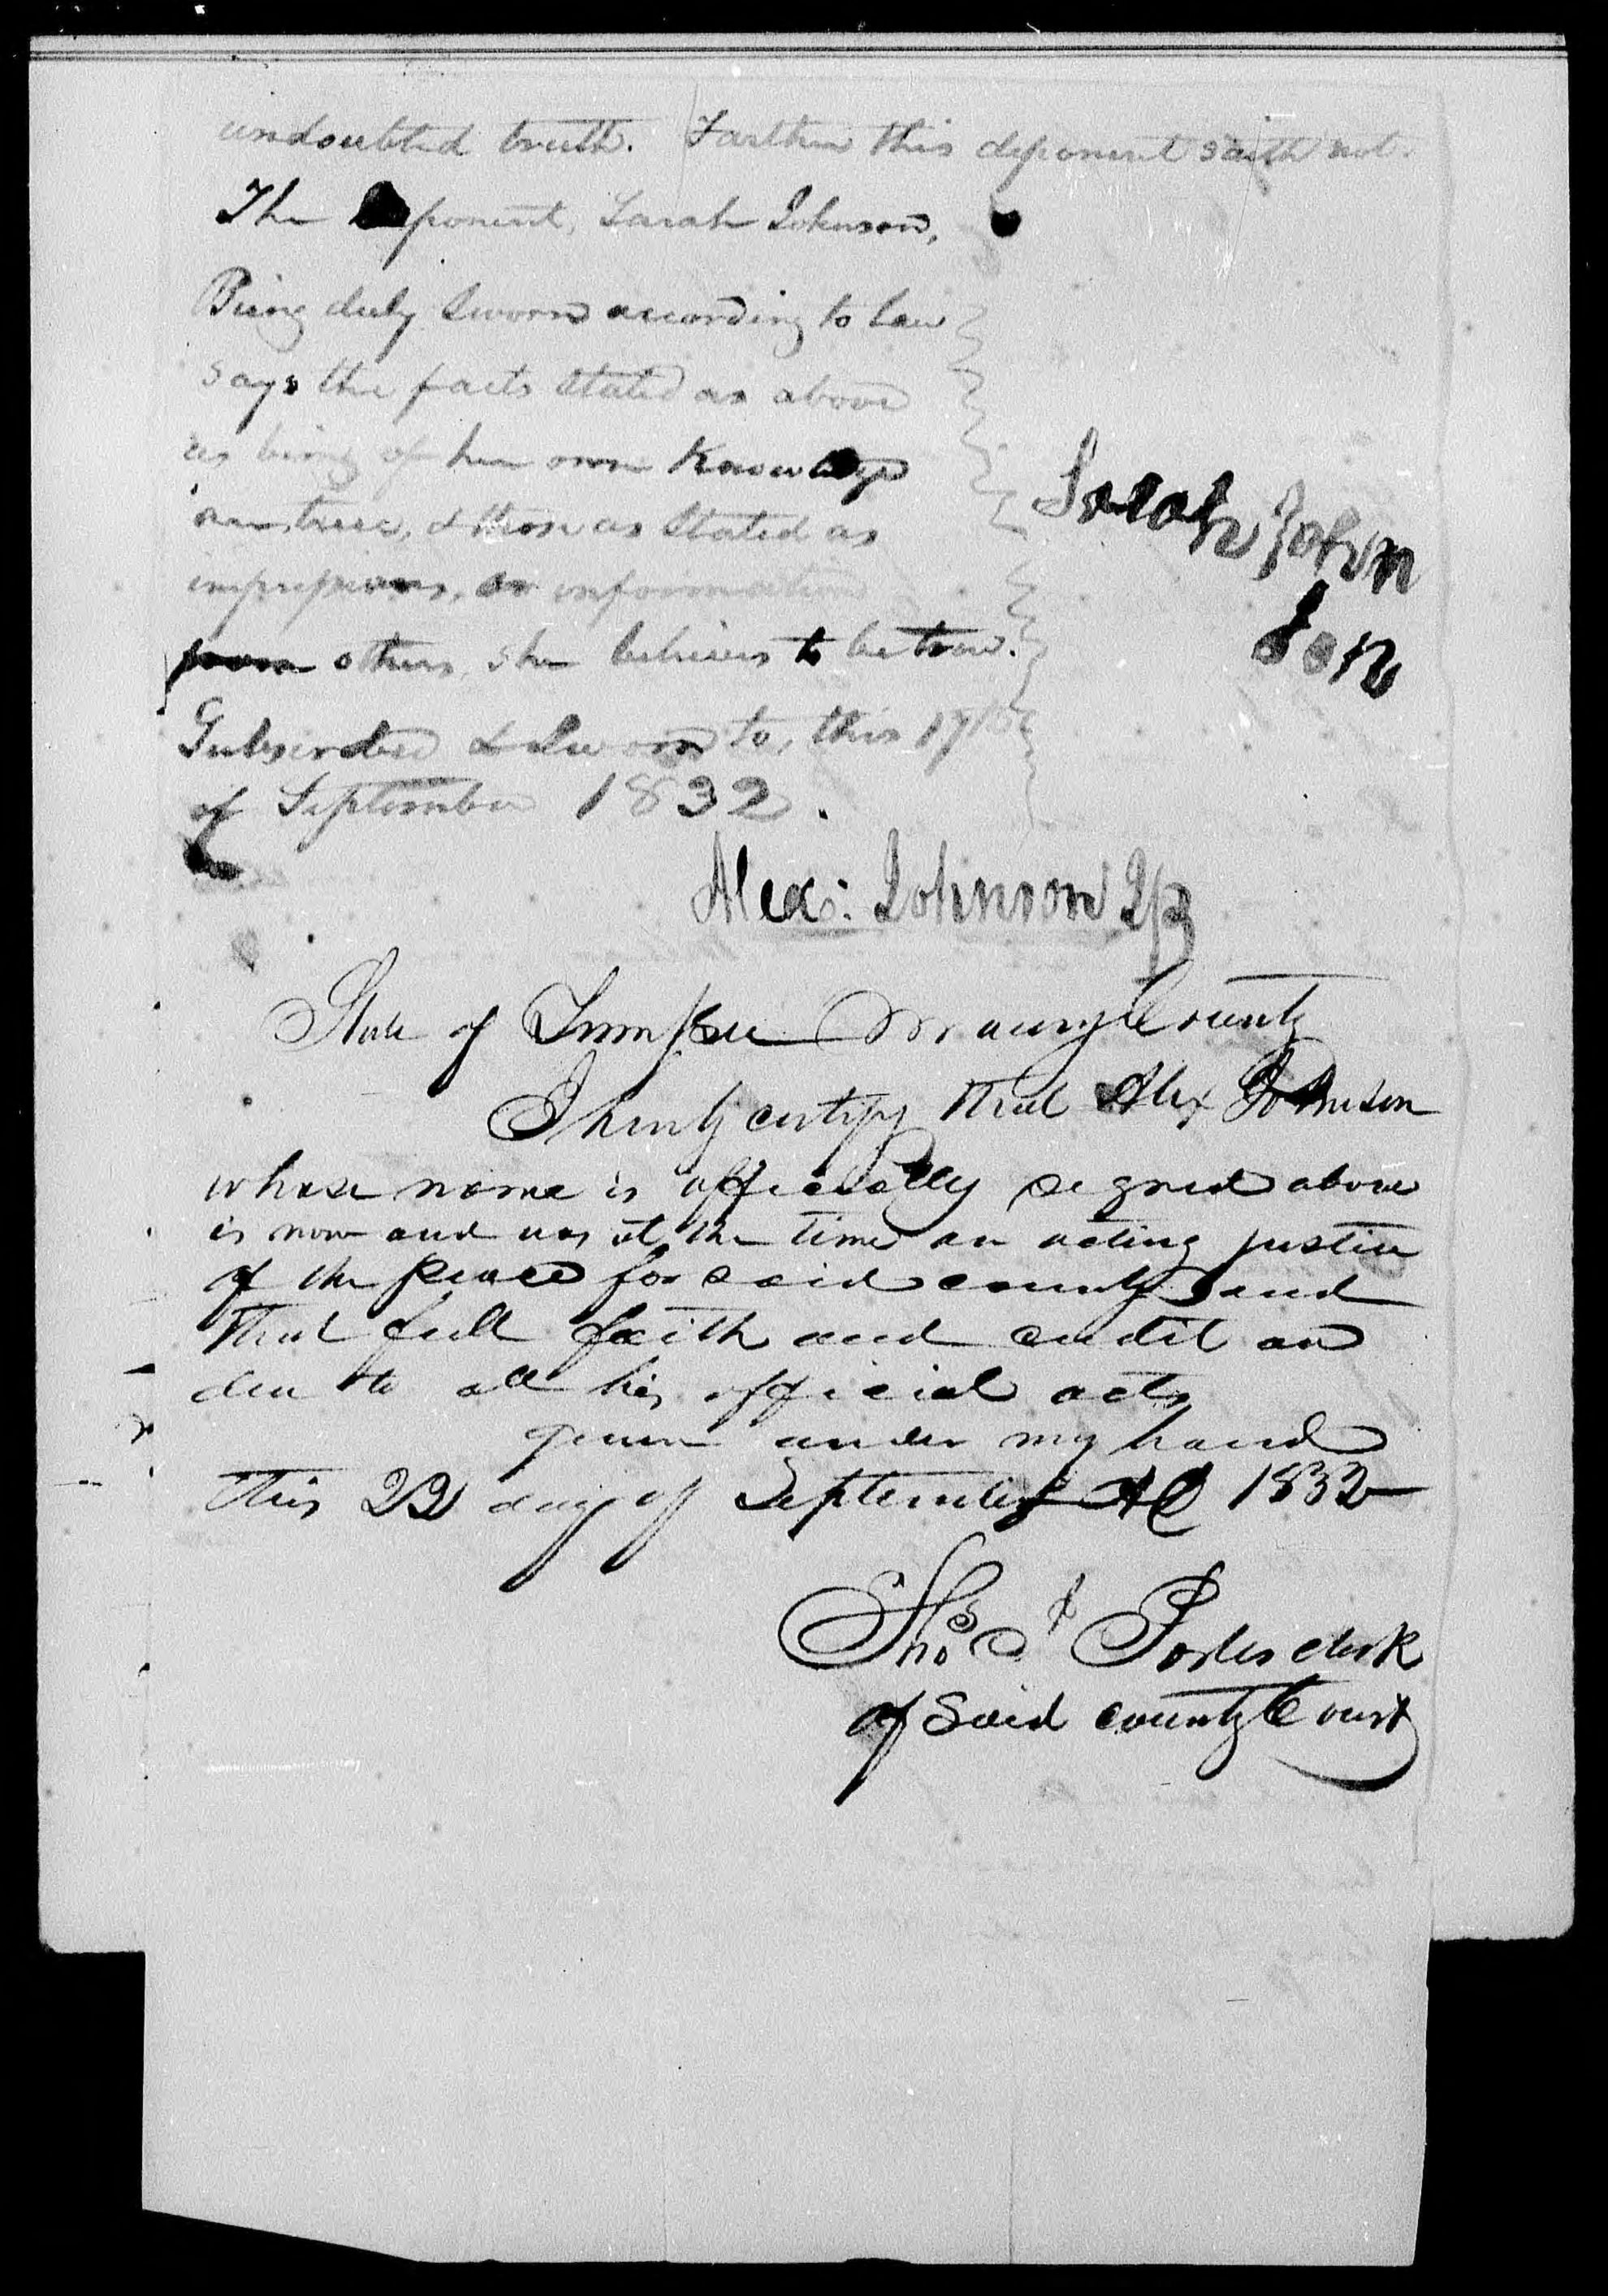of undoubted truth.  Further this deponent saith not. 
                             Sarah Johnson

The deponent, Sarah Johnson, being duly sworn according to law says the facts stated as above as being of her own knowledge are true & then as stated as impressions, information from others she believes to be true.  
Subscribed & sworn to this 17th of September 1832
           Alex. Johnson JP

State of Tennessee
Maury County
     I hereby certify that Alex Johnson whose name is official signed above is now and was at the time an acting justice of the peace for said county and that full faith and credit are due to all his official acts.
     Given under my hand this 22 day of September AD 1832.

                        Thos. Porter Clerk
                        of said county Court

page: 11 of 27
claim: rejected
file: R. 5649, for Abner Johnson, North Carolina